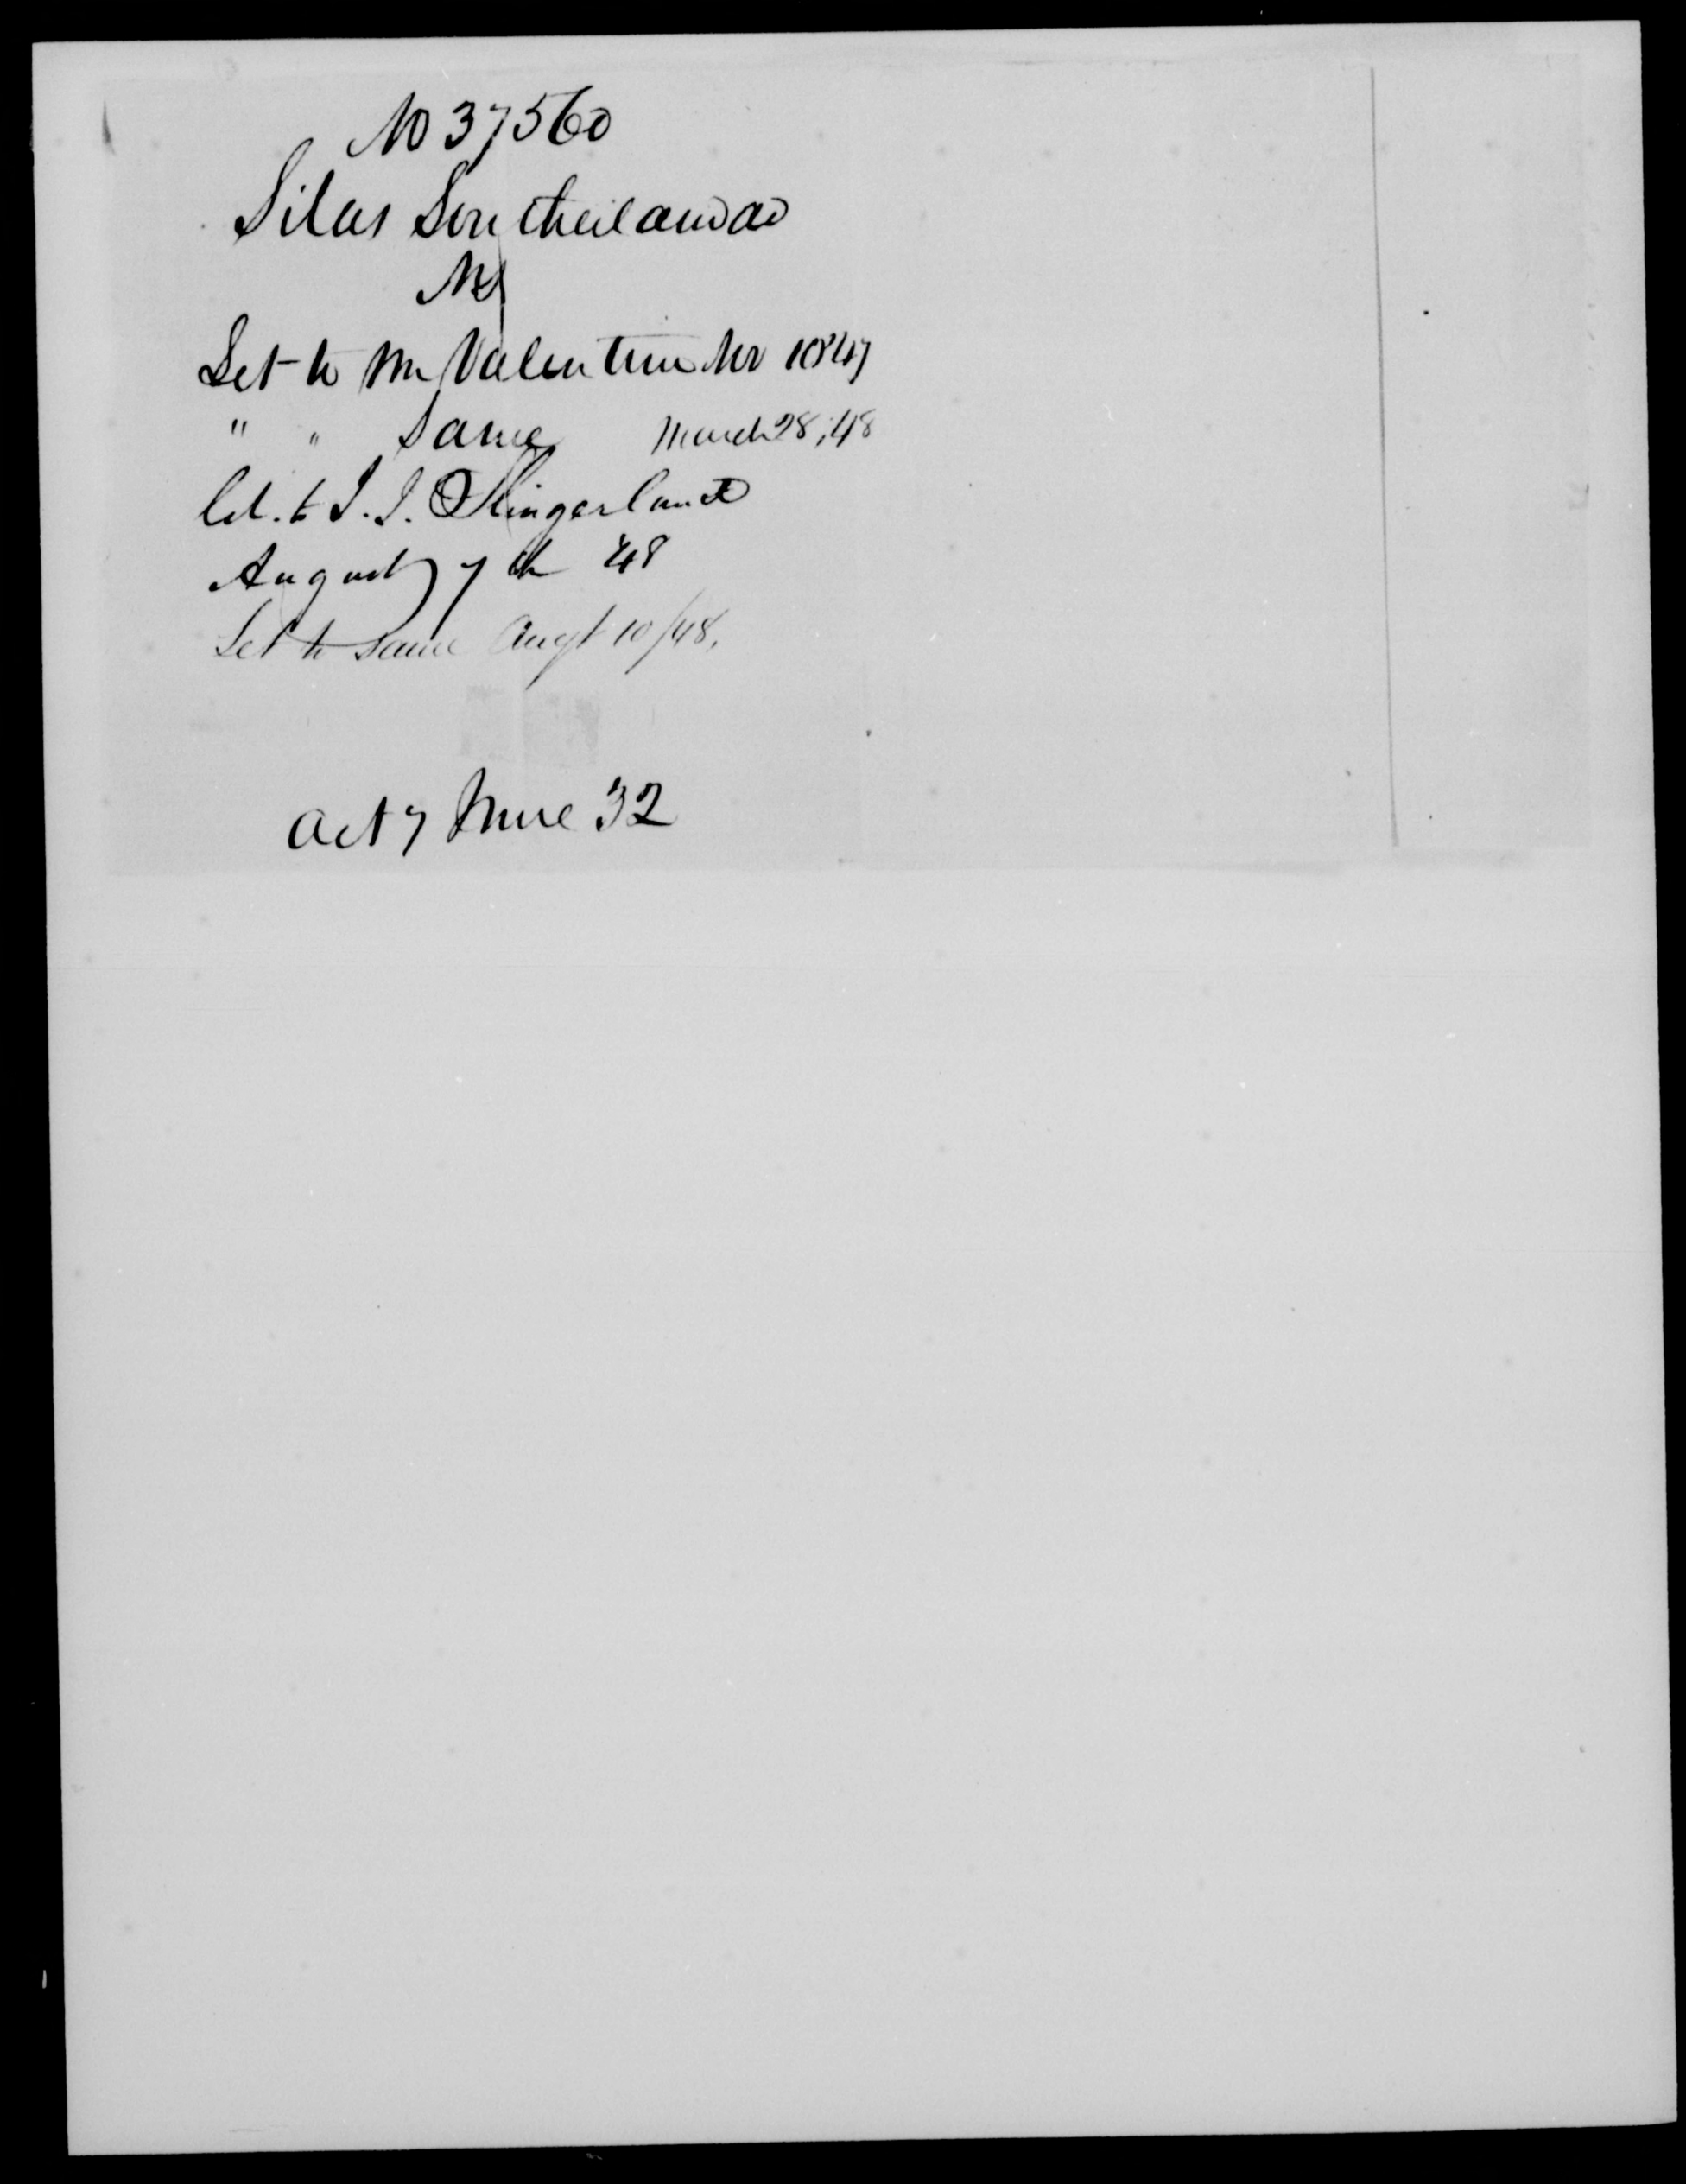No. 37560
Silas Southerland 
NY
Let to Wm Valentine Nov 10 '47
Let to same March 28, 48
Let. to J.J. Slingerland
August 7th '48
Let to same Augt 10 48

Act 7 June 32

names: Silas Southerland; Wm Valentine; J J Slingerland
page: 40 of 77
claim: survivor's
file: S. 23003, for Silas Southerland, New York